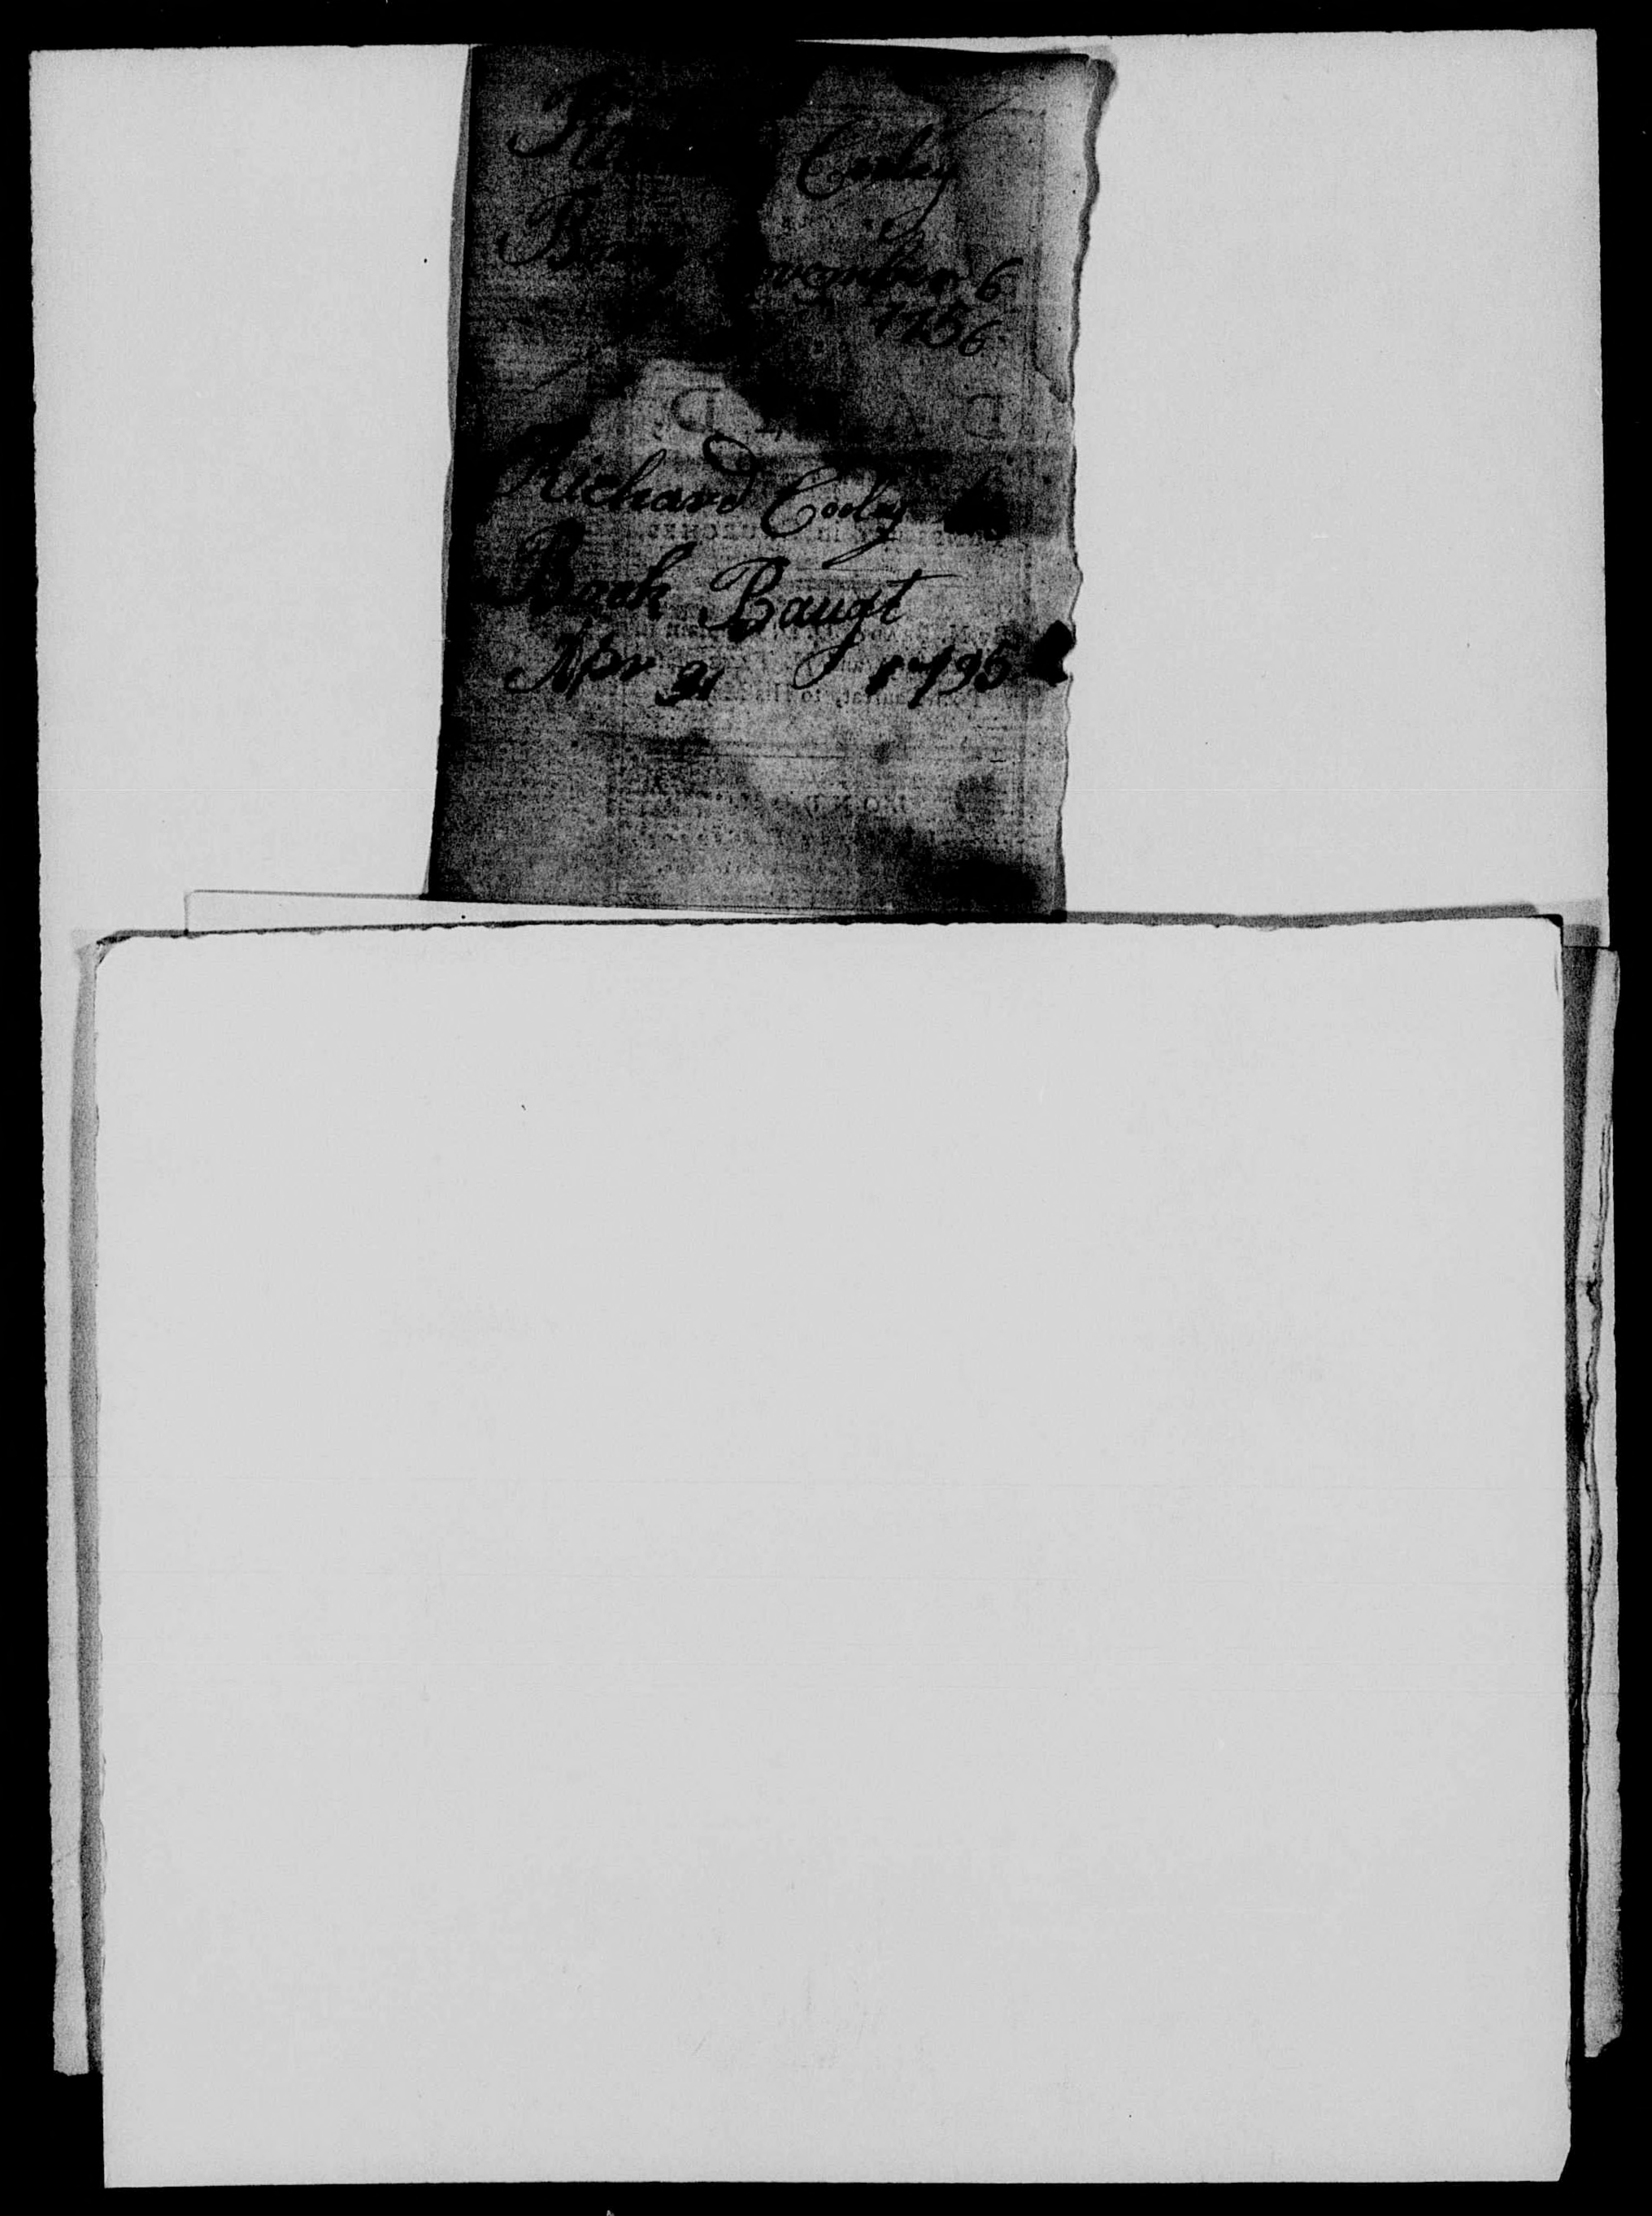[after adjusting image to show more detail]
Richard Colley 
Born November 6  1756
Richard  Cooley [illegible]
Book Baugt
Apr 31 1795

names: Richard Cooley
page: 12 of 19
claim: rejected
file: R. 2,283, Richard Cooley, Md.